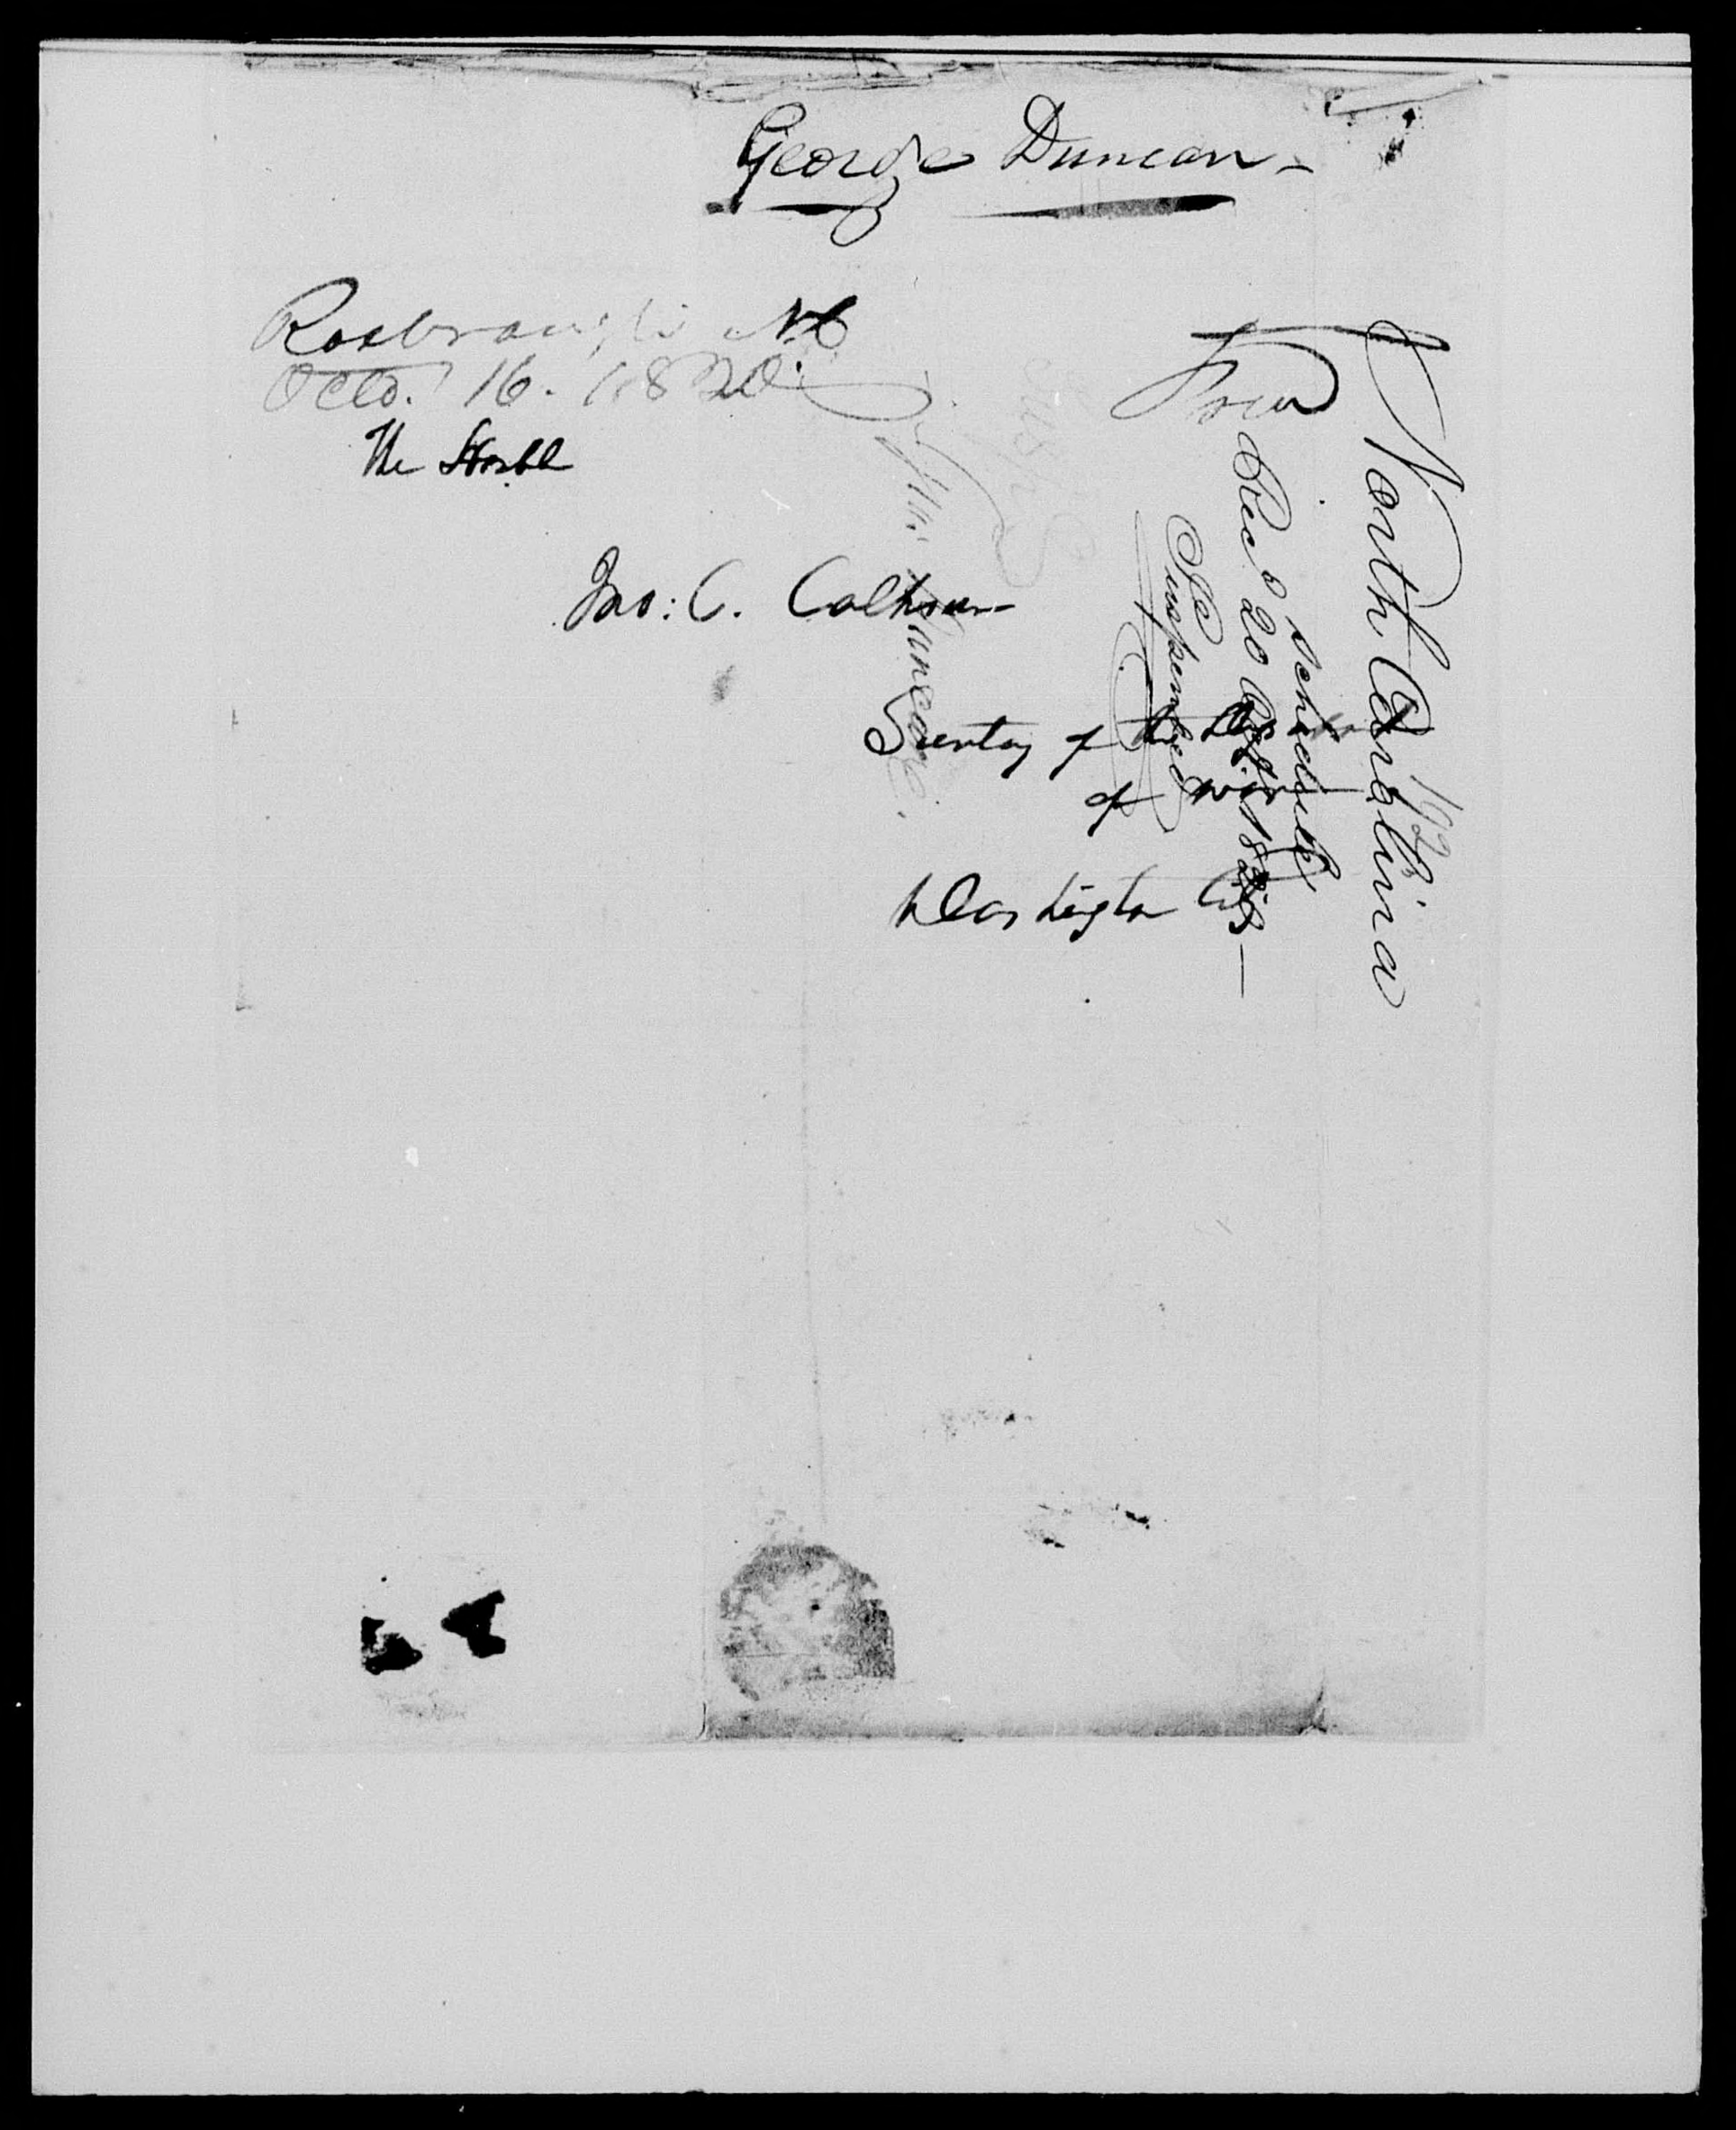George Duncan
Roxbraugh North Carolina 
October. 16, 1820  
Wm. North 

           Ins: C. Calhoun  
                       Secretary of the Department
                                      of War
                        Darlington County


Sideways:  North Carolina
 schedule  Received 20 October 1820 Suspended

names: Jno C Calhoun, George Duncan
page: 4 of 49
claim: survivor's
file: S. 41513, George Duncan, N.C.